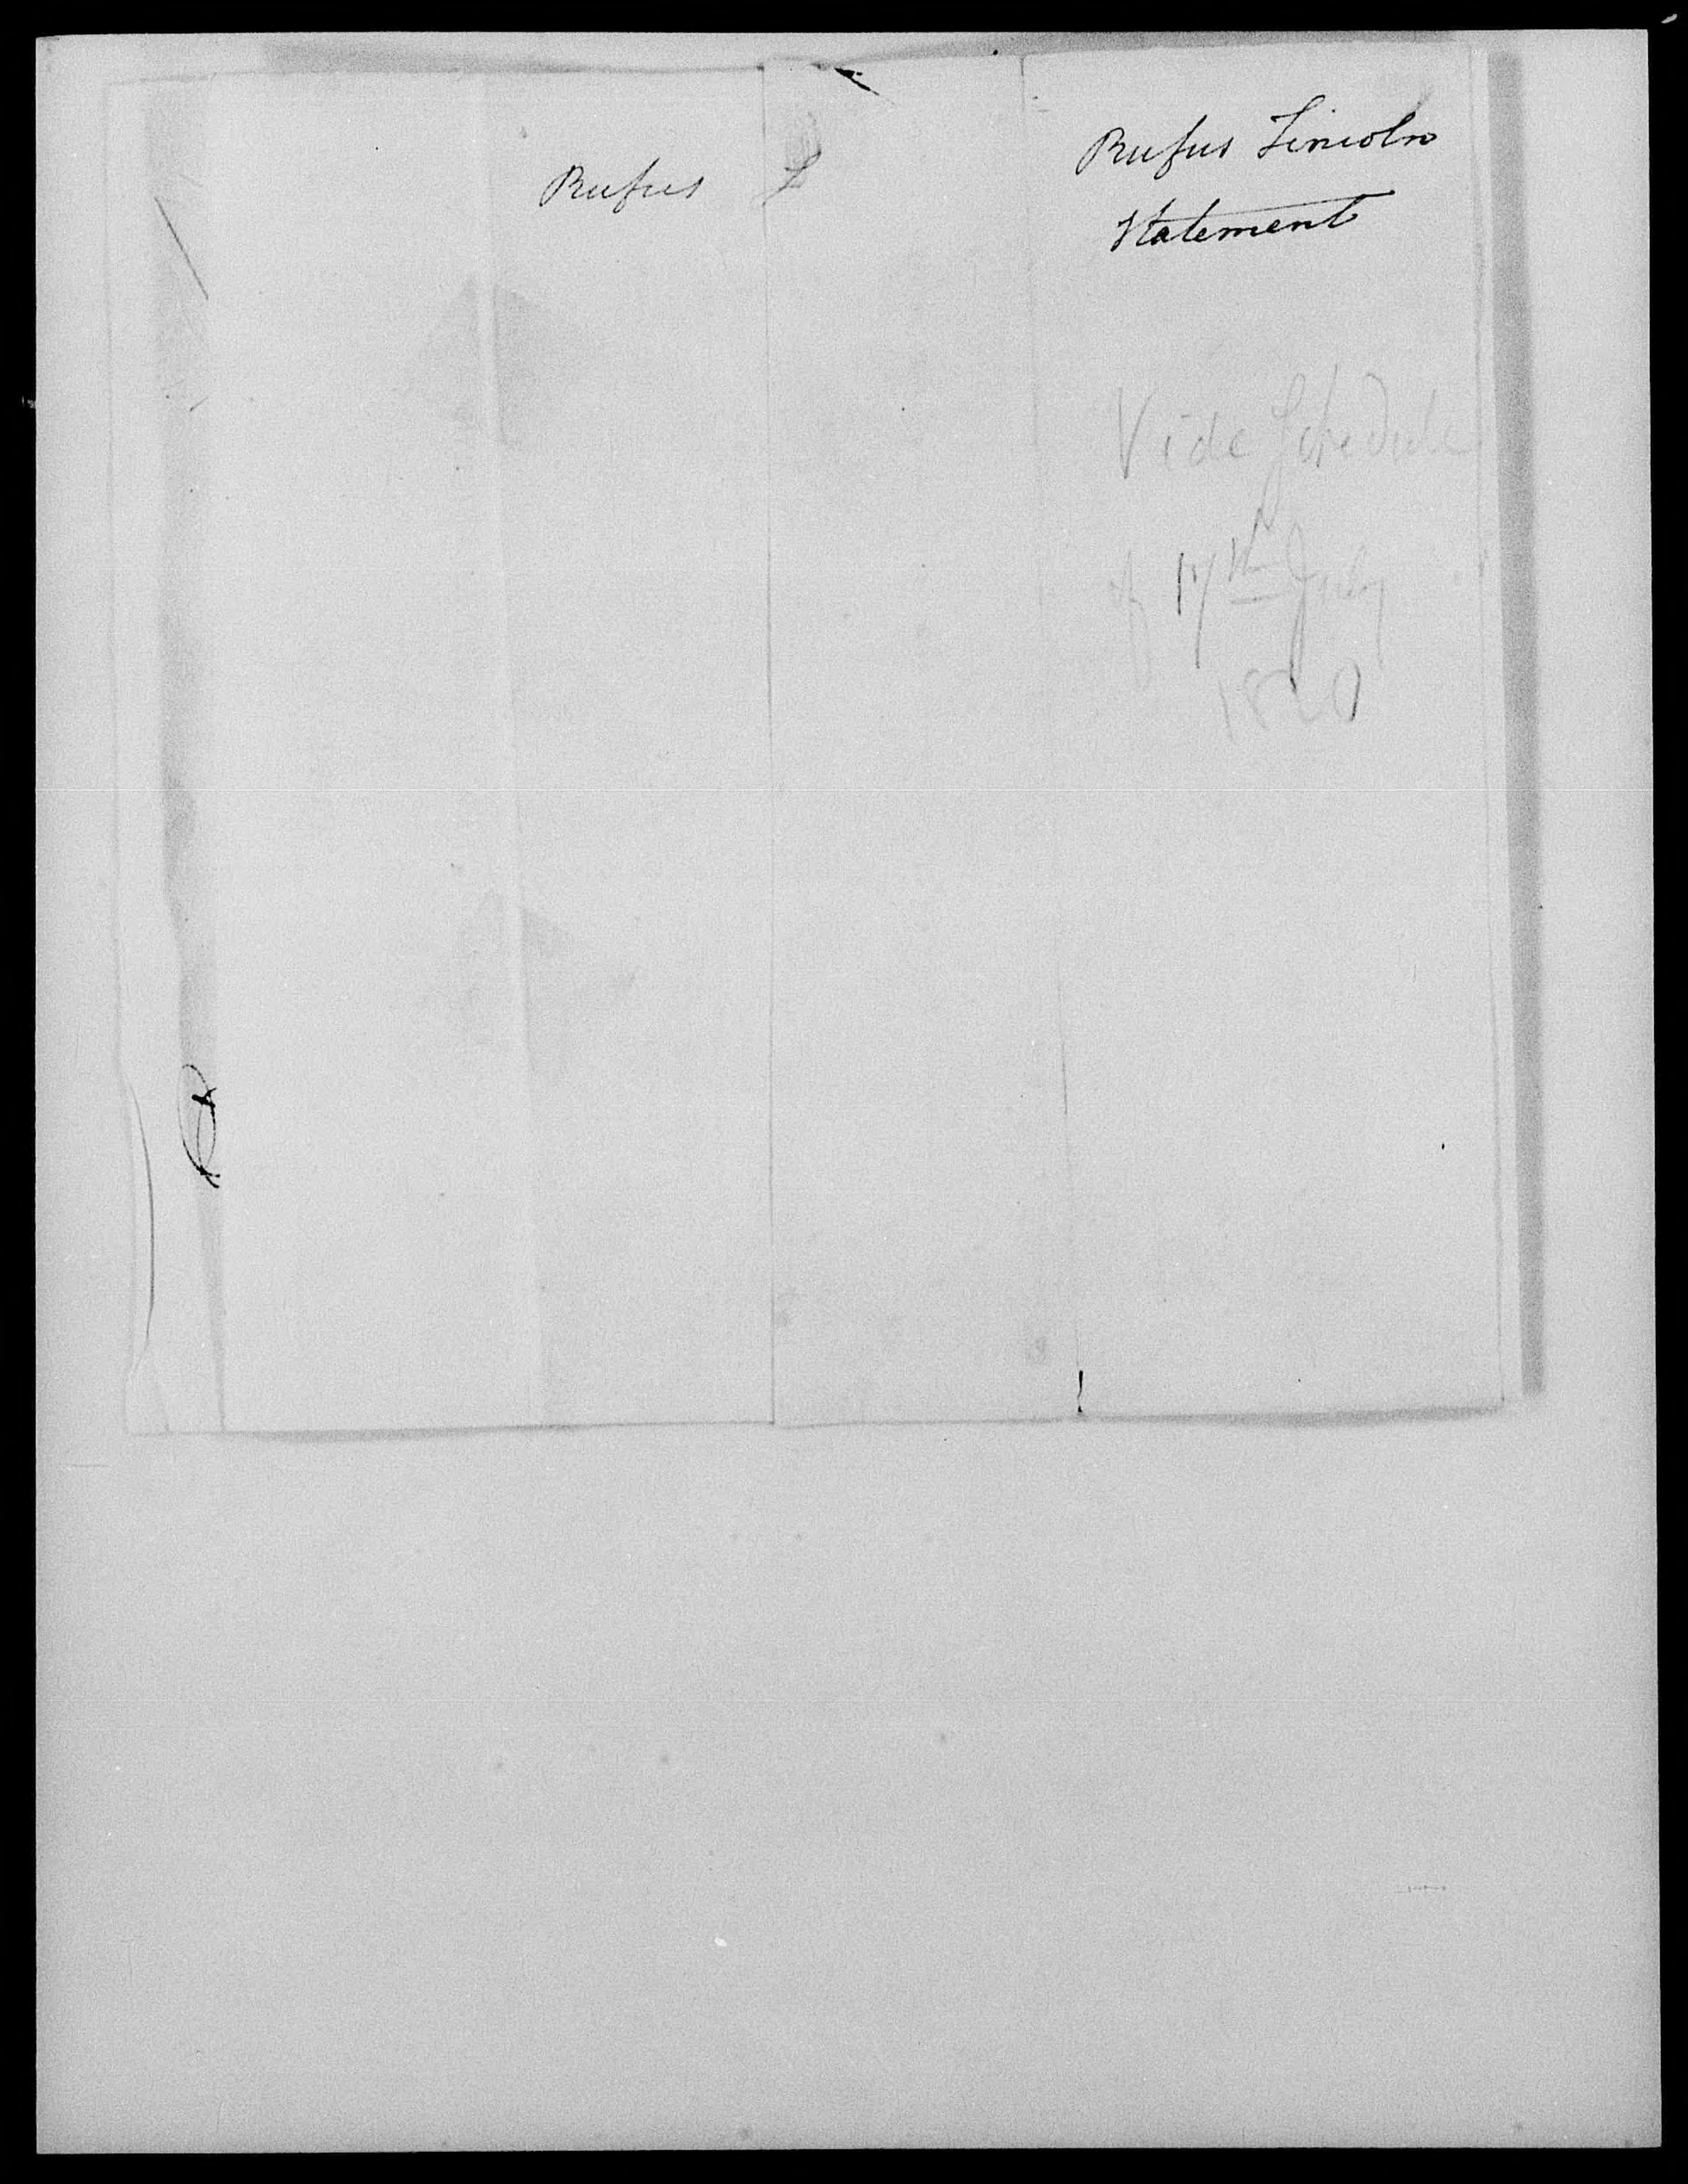Rufus L        Rufus Lincoln
                    Statement

Vide Schedule of 17th July 1820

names: Rufus Lincoln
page: 80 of 82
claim: widow's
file: W. 13,634, for Rufus Lincoln, Massachusetts